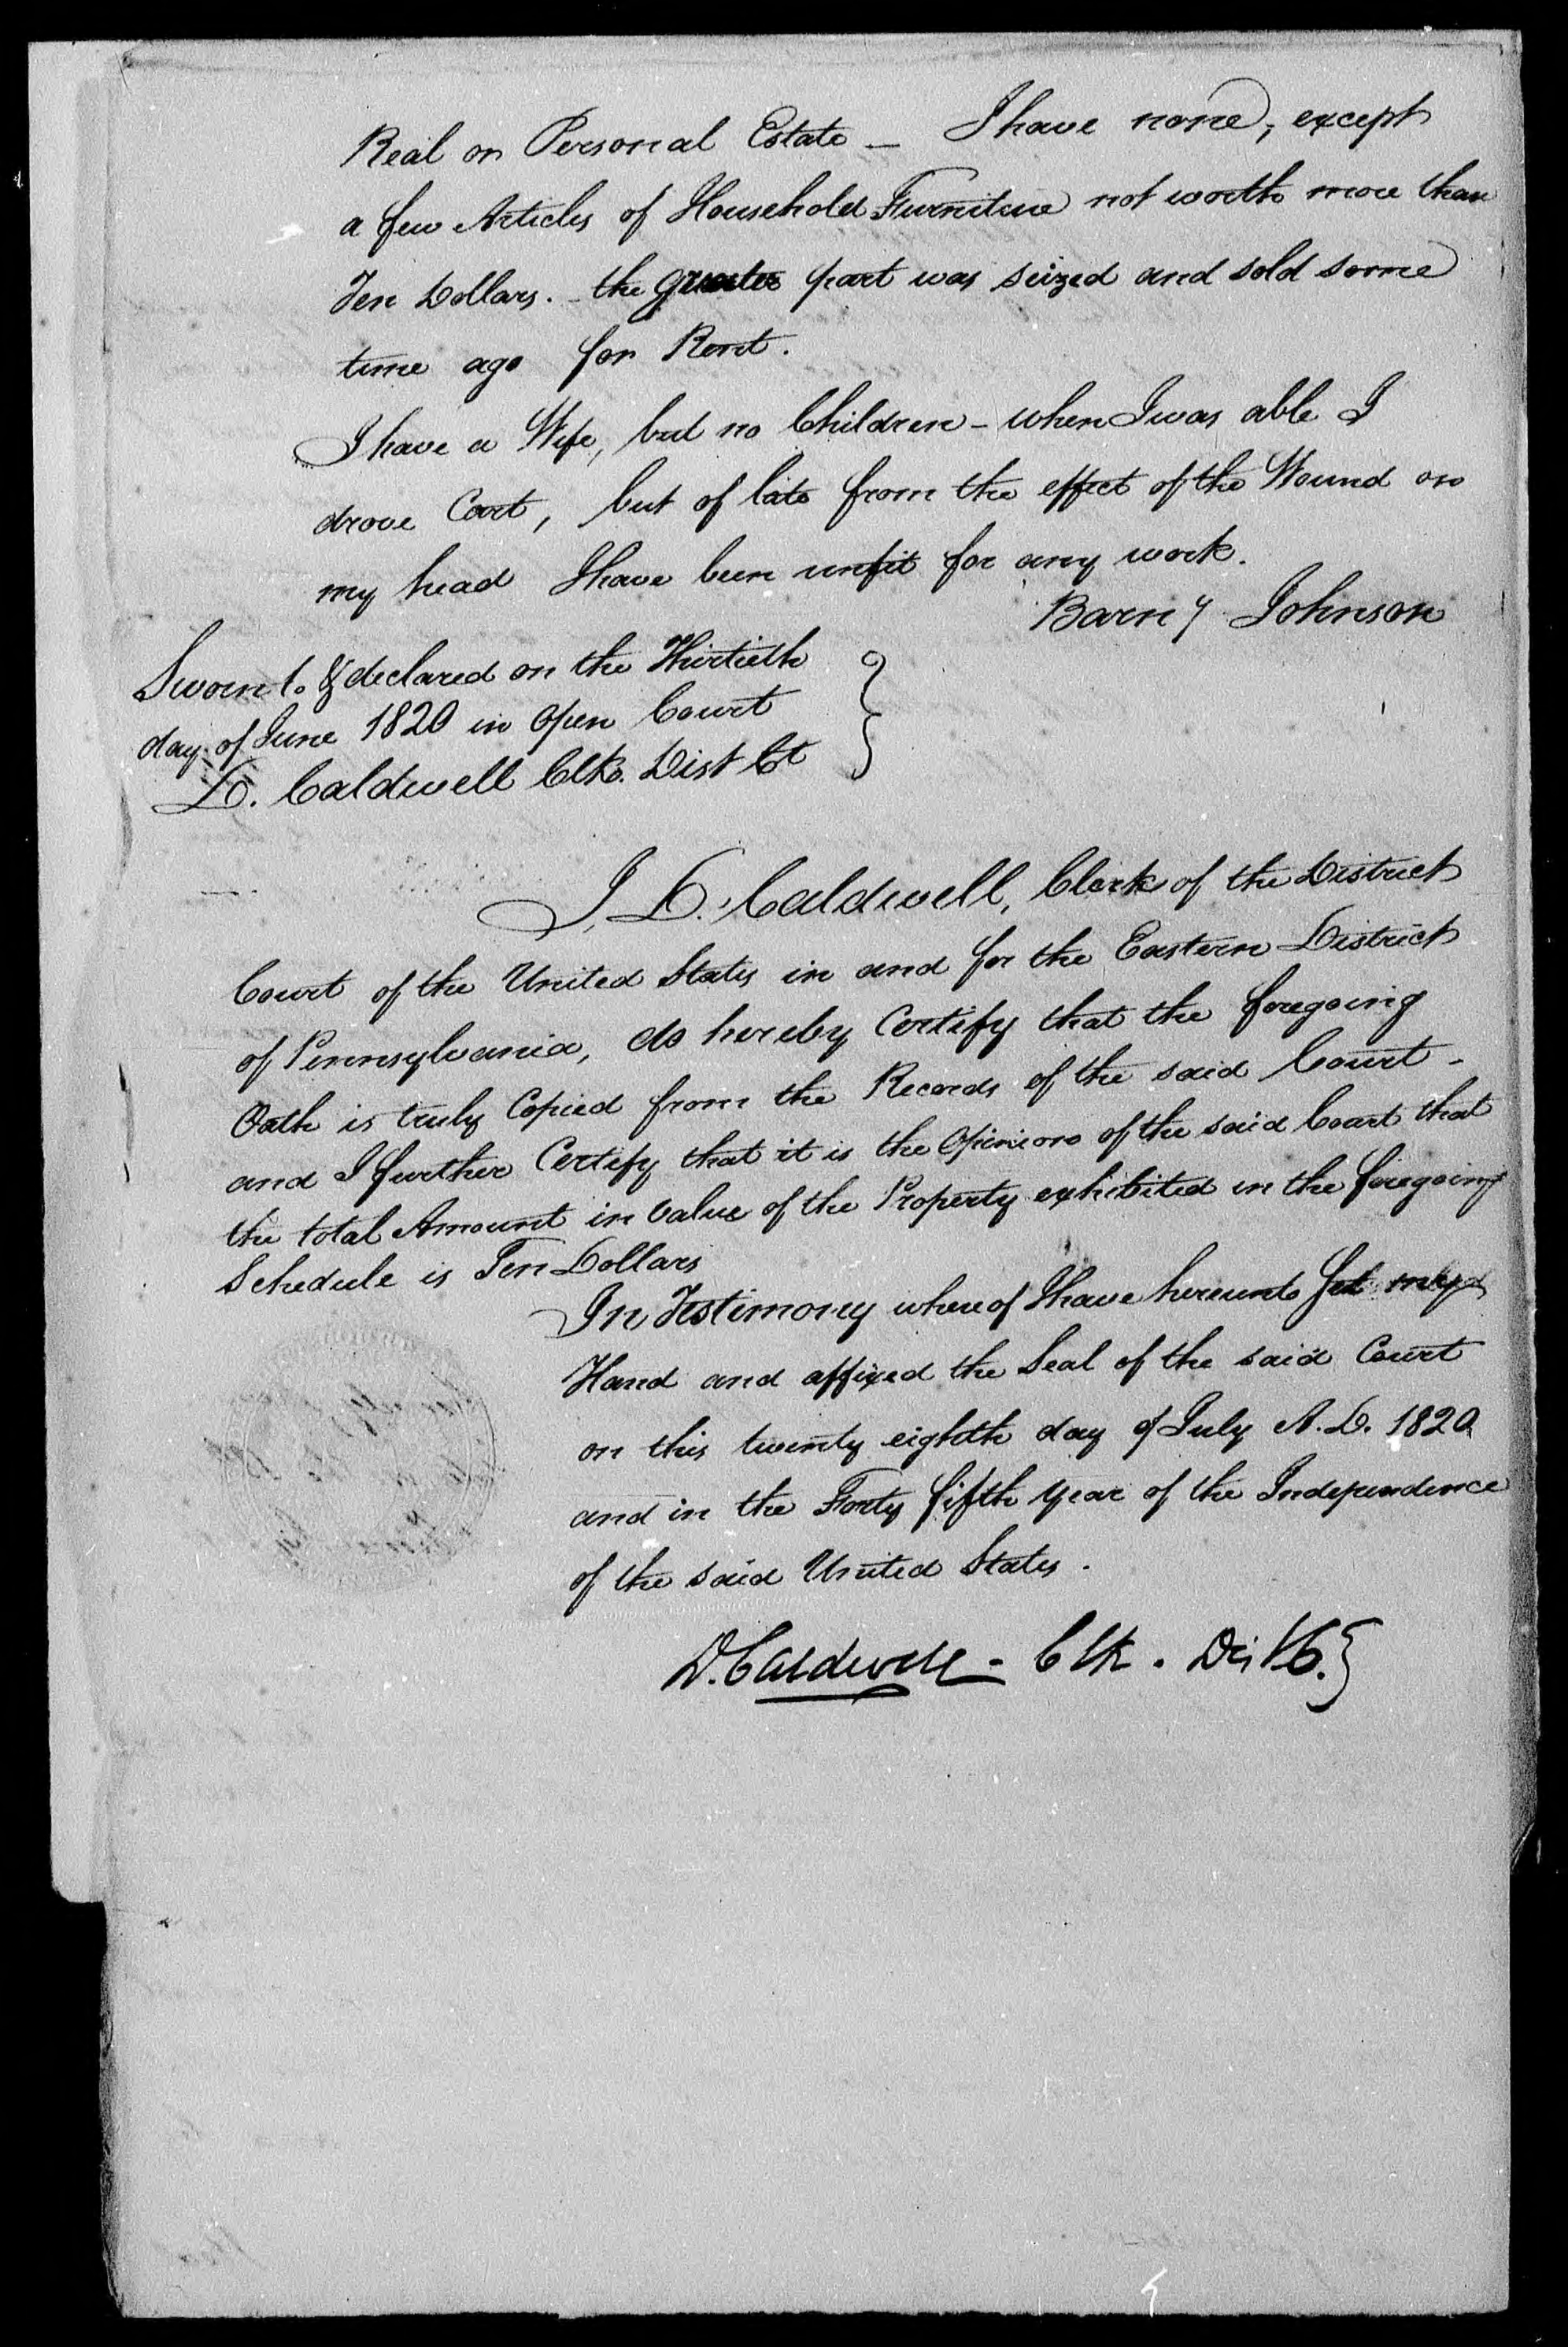Real or Personal Estate - I have none except a few articles of household furniture not worth more than ten dollars. The greater part was seized and sold come time ago for rent.

I have a wife but no children - when I was able, I drove cart but of late from the effect of the wound on my head I have been unfit for any work.

Barney Johnson

Sworn to & declared on the thirtieth day of June 1820 in open court

D Caldwell Clerk Dist Court

I D. Caldwell Clerk of the District Court of the United States in and for the Eastern District of Pennsylvania do hereby certify that the foregoing oath is truly copied from the records of the said court and I further certify that it is the opinion of the said court that the total amount in value of the property exhibited in the foregoing schedule is ten dollars.

In testimony whereof I have hereunto set my hand and affixed the seal of the said court on this twenty-eighth day of July AD 1820 and in the Forty-fifth year of the Independence of the said United States.

SEAL

D Caldwell - Clk Dist Court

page: 9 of 11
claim: survivor's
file: S. 39,783, for Barny Johnson, Maryland